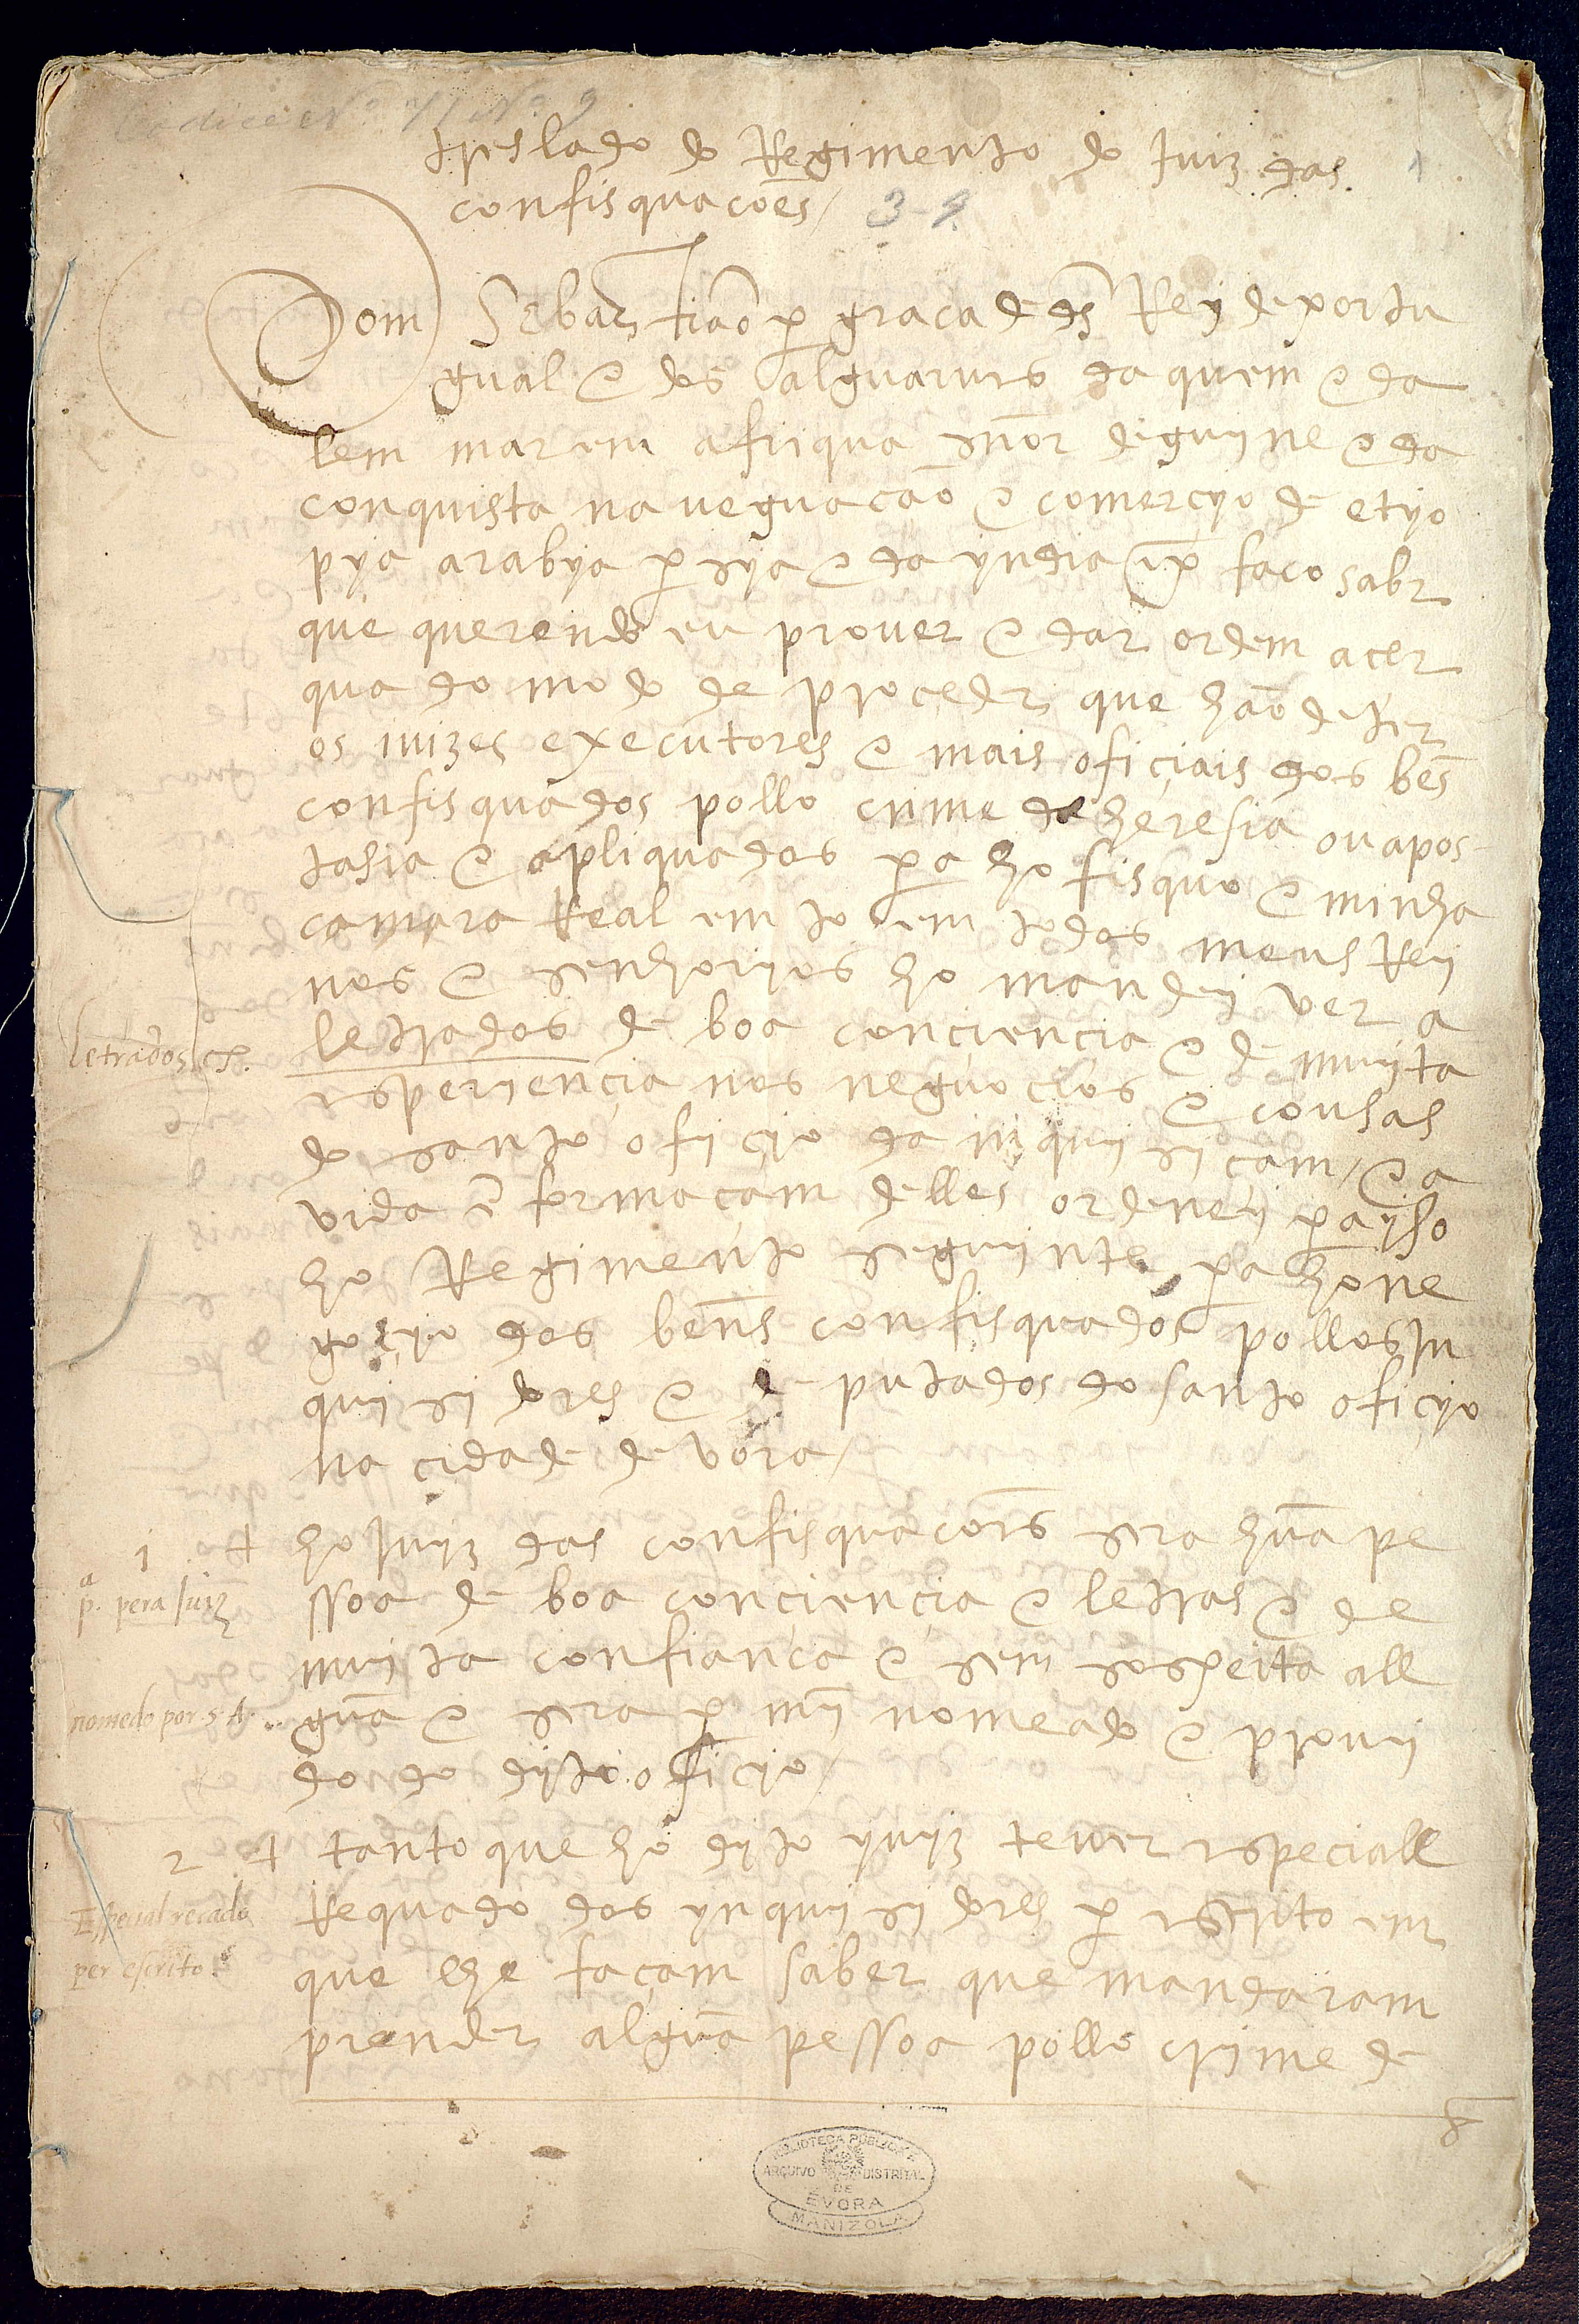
treslado do Regimento do Juiz das
confisquações
Dom Sebastião ꝑ graça de ds̄ Rey de portu
gual e dos alguarues daquem e da
lem mar em afriqua sn̄or de guyne e da
conquista naueguação e comercyo de etyo
pya arabya ꝑsya e da yndia c̄ꝭ faço sabr
que querendo eu prouer e dar ordem acer
qua do modo de proceder que hão de ter
os iuizes executores e mais oficiais dos bēs
confisquados pollo crime de heresia ou apos
tasia e apliquados ꝑa ho fisquo e minha
camara Real em to em todos meus Rey
nos e senhoryos ho mandey ver a
Letrados cꝭ
letrados de boa conciencia e de muyta
esperyencia nos neguocios e cousas
do santo ofycyo da inquysyçam / e a
vida ēformaçam delles ordeney ꝑa yso
ho Regimento seguinte ꝑa ho ne
gocyo dos bēns confisquados pollos Jn
quysydores e deputados do santo oficyo
na cidade devora
1
item ho Juiz das confisquações sera hūa pe
p.a pera Juiz
ssoa de boa conciencia e letras e de
mujta confiança e sem sospeita all
nomedo por S. A.
gūa e sera ꝑ mȳ nomeado e prouy
do do dyto oficyo /
2
item tanto que ho dyto yuyz teuer especiall
Requado dos ynquysydores ꝑ escrito em
Especial recado
per escrito.
que lhe façam saber que mandaram
prender algūa pessoa pollo cryme de
